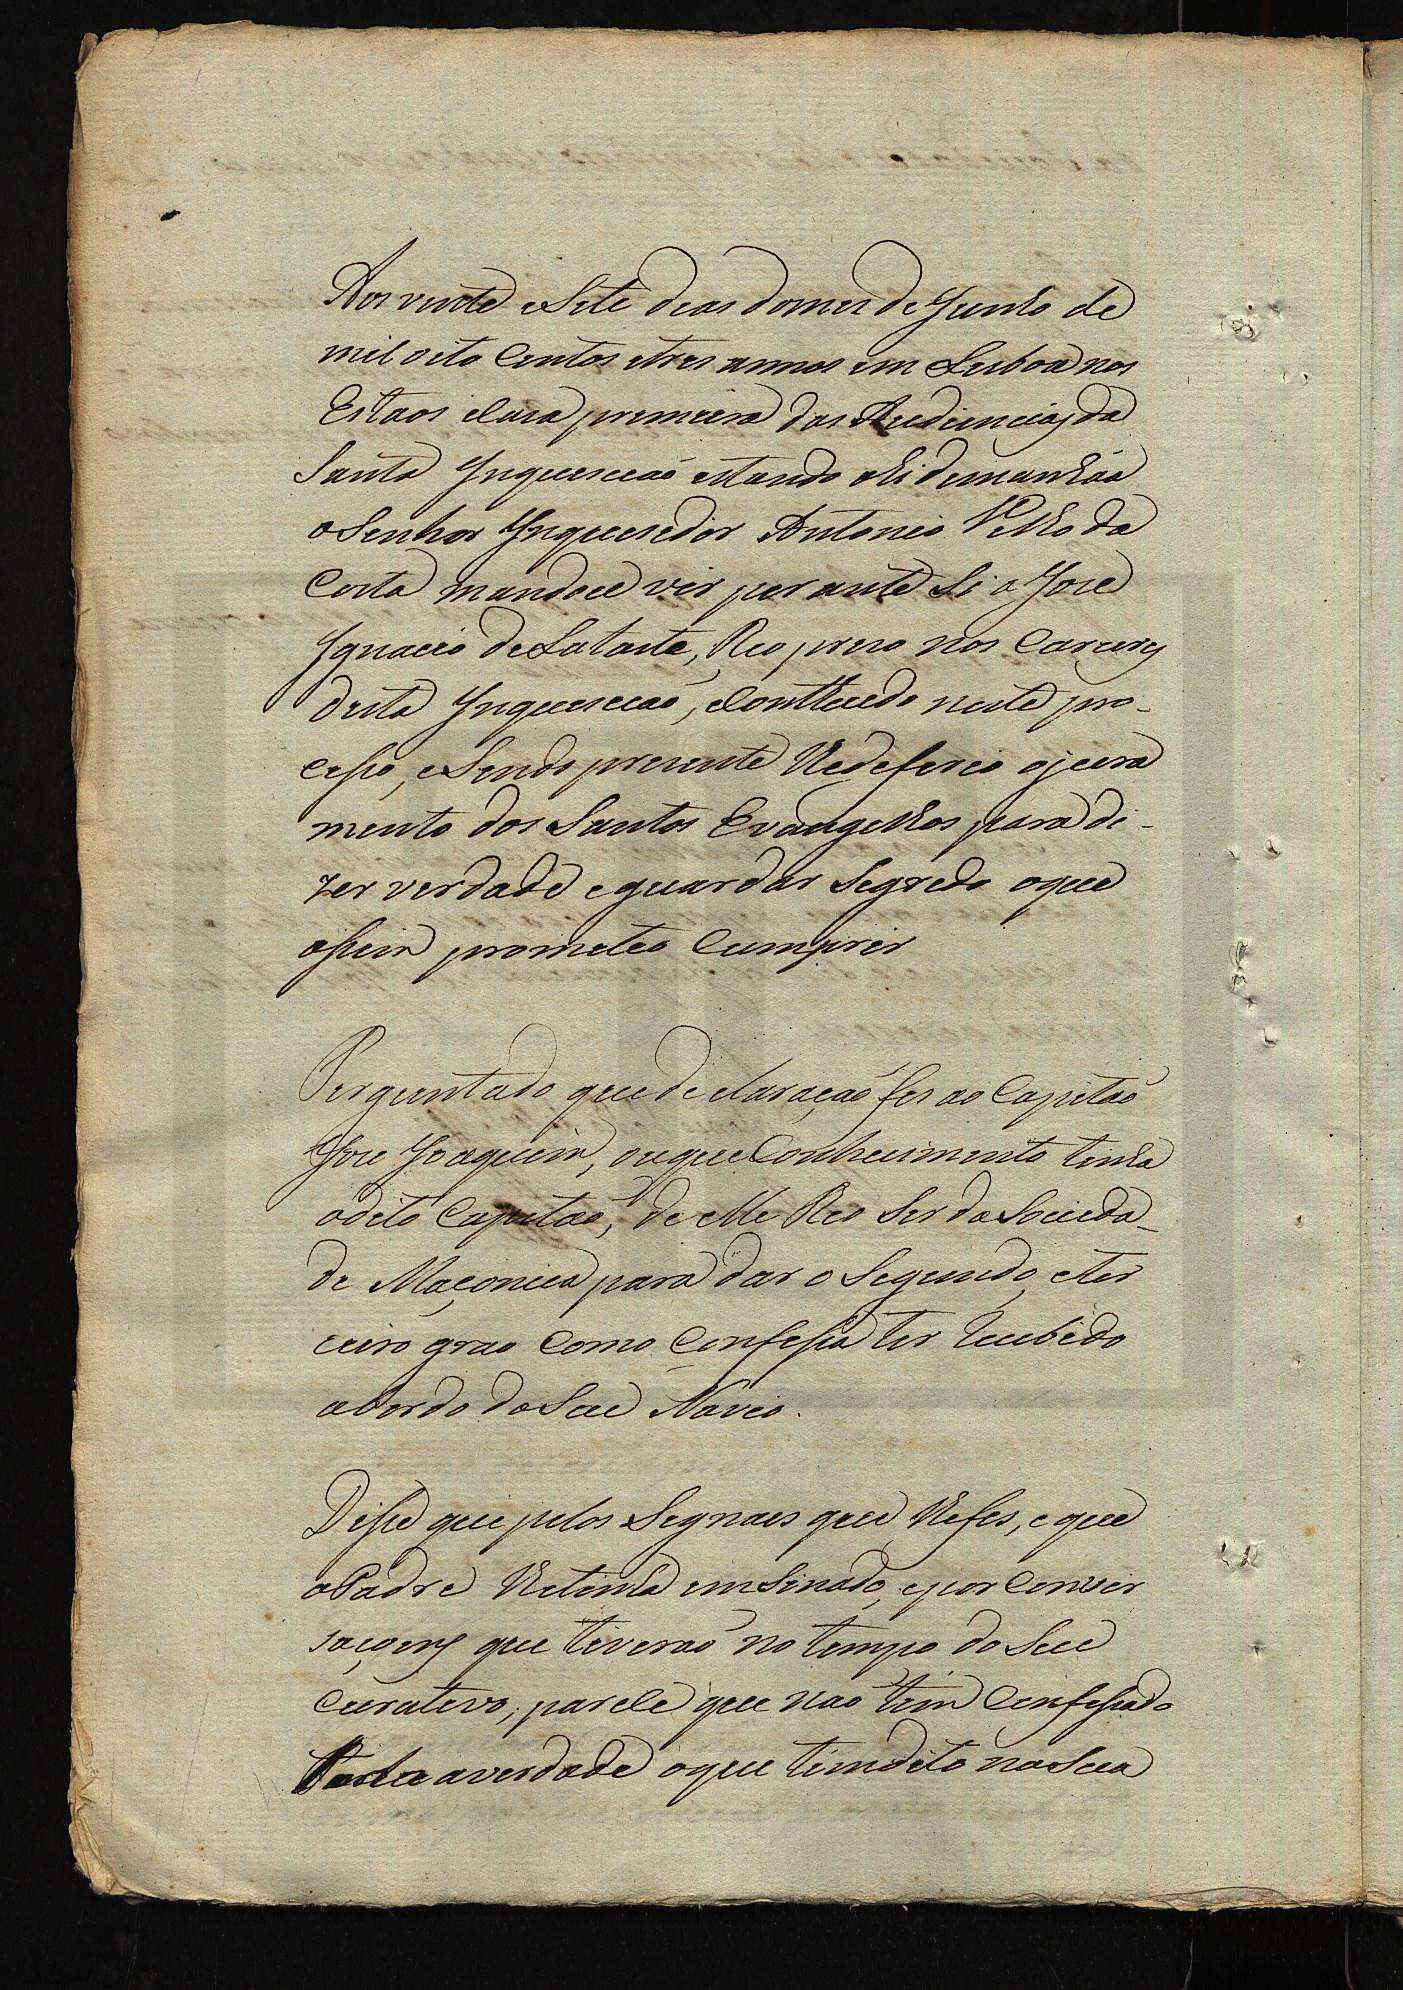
Aos vente e sete deas do mez de Junho de
mil oitocentos e tres annos em Lisboa nos
Estaos e caza primeira das Audiencias da
Santa Jnquesecaõ estando ahi de manhaã
o Senhor Jnquesedor Antonio Velho da
Costa mandou vir perante si a Joze
Jgnacio de Lataste, Reo prezo nos Carceres
desta Jnquesecaõ, e contheudo neste pro
cesso, e sendo prezente lhe deferio o jura
mento dos Santos Evangelhos para di
zer verdade e guardar segredo o que
assim prometeo cumprir.
Perguntado que declaraçaõ fes ao Capitaõ
Joze Joaquim, ou que conhecimento tenha
o dito Capitaõ, de elle Reo ser da Socieda
de Maçonica para dar o segundo e ter
ceiro grao como confessa ter recebido
a bordo do seu Navio.
Disse que pelos Segnaes que lhe fes, e que
o Padre lhe tinha emsinado, e por conver
saçoens que tiveraõ no tempo do seu
curativo, parece que nao tem confessado
toda a verdade o que tem dito na sua
